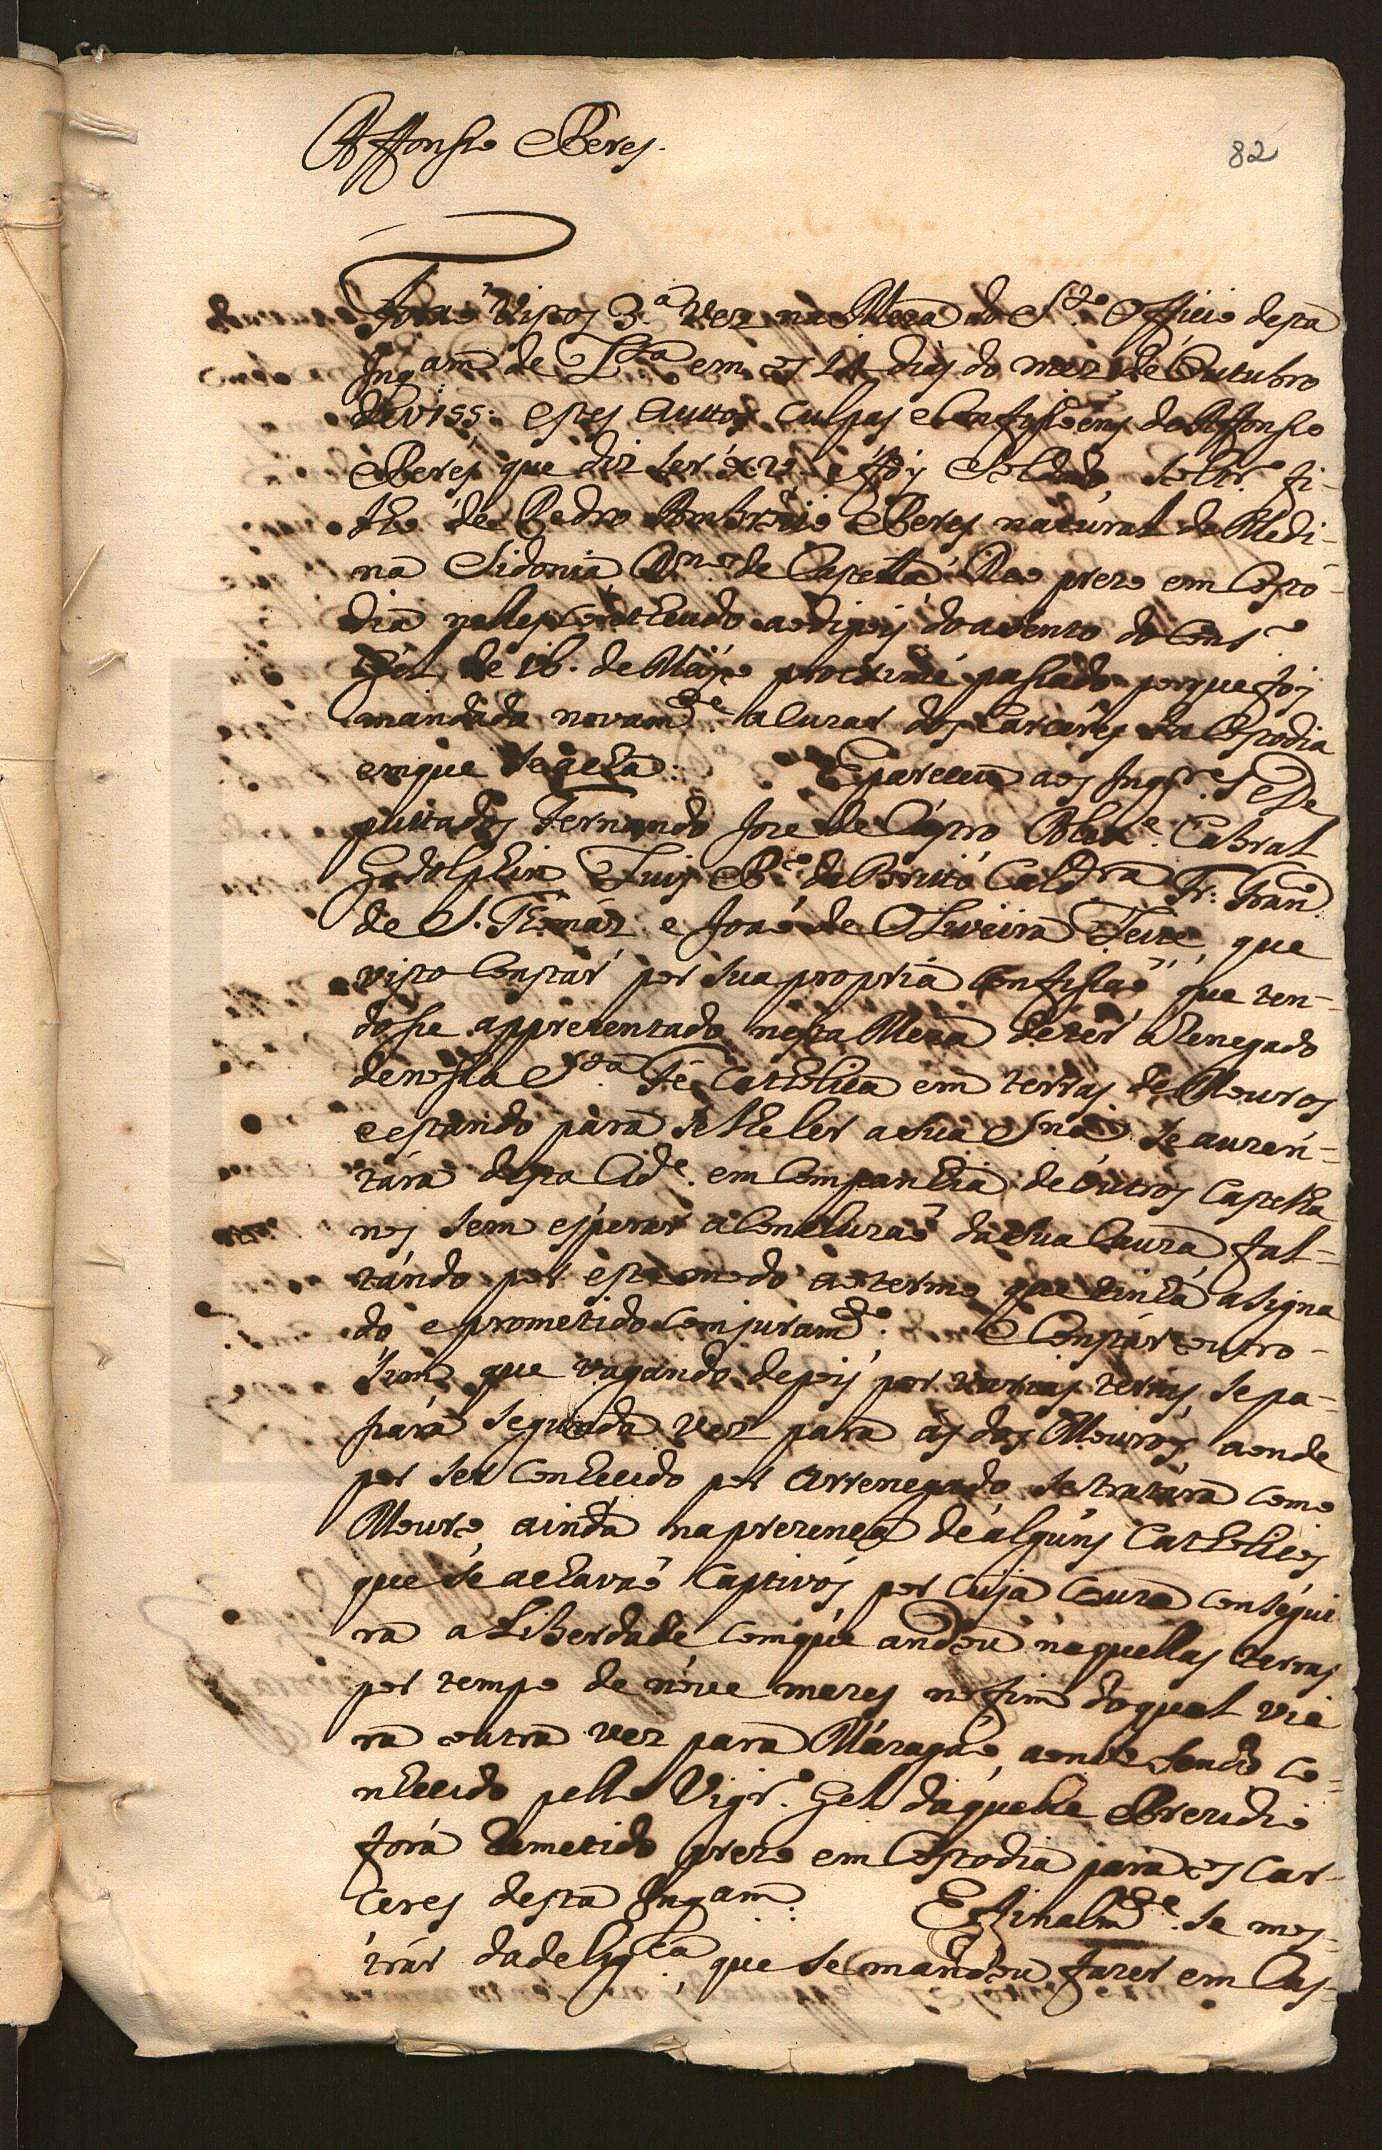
Affonsso Peres.
Foraõ vistos 3.a vez na Meza do S.to Officio desta
Jnqam de L.xa em os 14 dias do mez de Outubro
de 1755: estes Auttos, culpas, e Confissoẽns de Affonsso
Peres que diz ser xv e foy Soldado, soltr.o fi
lho de Pedro Ambrozio Peres, natural de Medi
na Sidonia R.no de Castella, Reo prezo em Costo
dia, nelles contheudo, ao dipois do asento do Cons.o
Gal de 16. de Mayo procximé passado, porque foj
mandado novam.te aCuzar dos Carceres da Costodia
em que se acha:
E pareceu aos Jnq.res e De
putados Fernando Joze de Castro, Alex.e CabraL
Godolphin, Luis P.o de Britto Caldra, Fr: Fran.co
de S. Thomaz, e Joaõ de OLiveira Leite, que
visto Constar por sua propria confissaõ, que ten
dosse apprezentado nesta Meza de ter aRenegado
de nossa S.ta Fé Catholica em terras de Mouros
e estando para se lhe ler a sua Sna, se auzen
tára desta Cid.e em Companhia de outros castelha
nos, sem esperar a Concluzaõ da sua Cauza faL
tando por este modo ao termo que tinha asigna
do, e prometido Com juram.to; E Constar outro
sim, que vagando depois por varias terras, se pa
ssára segunda vez para as dos Mouros, aonde
por ser conhecido por arrenegado, se tratara como
Mouro, ainda na prezença de alguns Catholicos,
que se achavaõ Captivos, por cuja cauza consegui
ra a Liberdade, com que andou naquellas terras
por tempo de nove mezes, no fim do qual vie
ra outra vez para Mázagaõ, aonde sendo co
nhecido pello Vigr.o Gel daquelle Prezidio
fora Remetido prezo em Costodia para os car
ceres desta Jnq.am:
E finalm.te se mos
trar da delig.ca, que se mandou fazer em Cas
